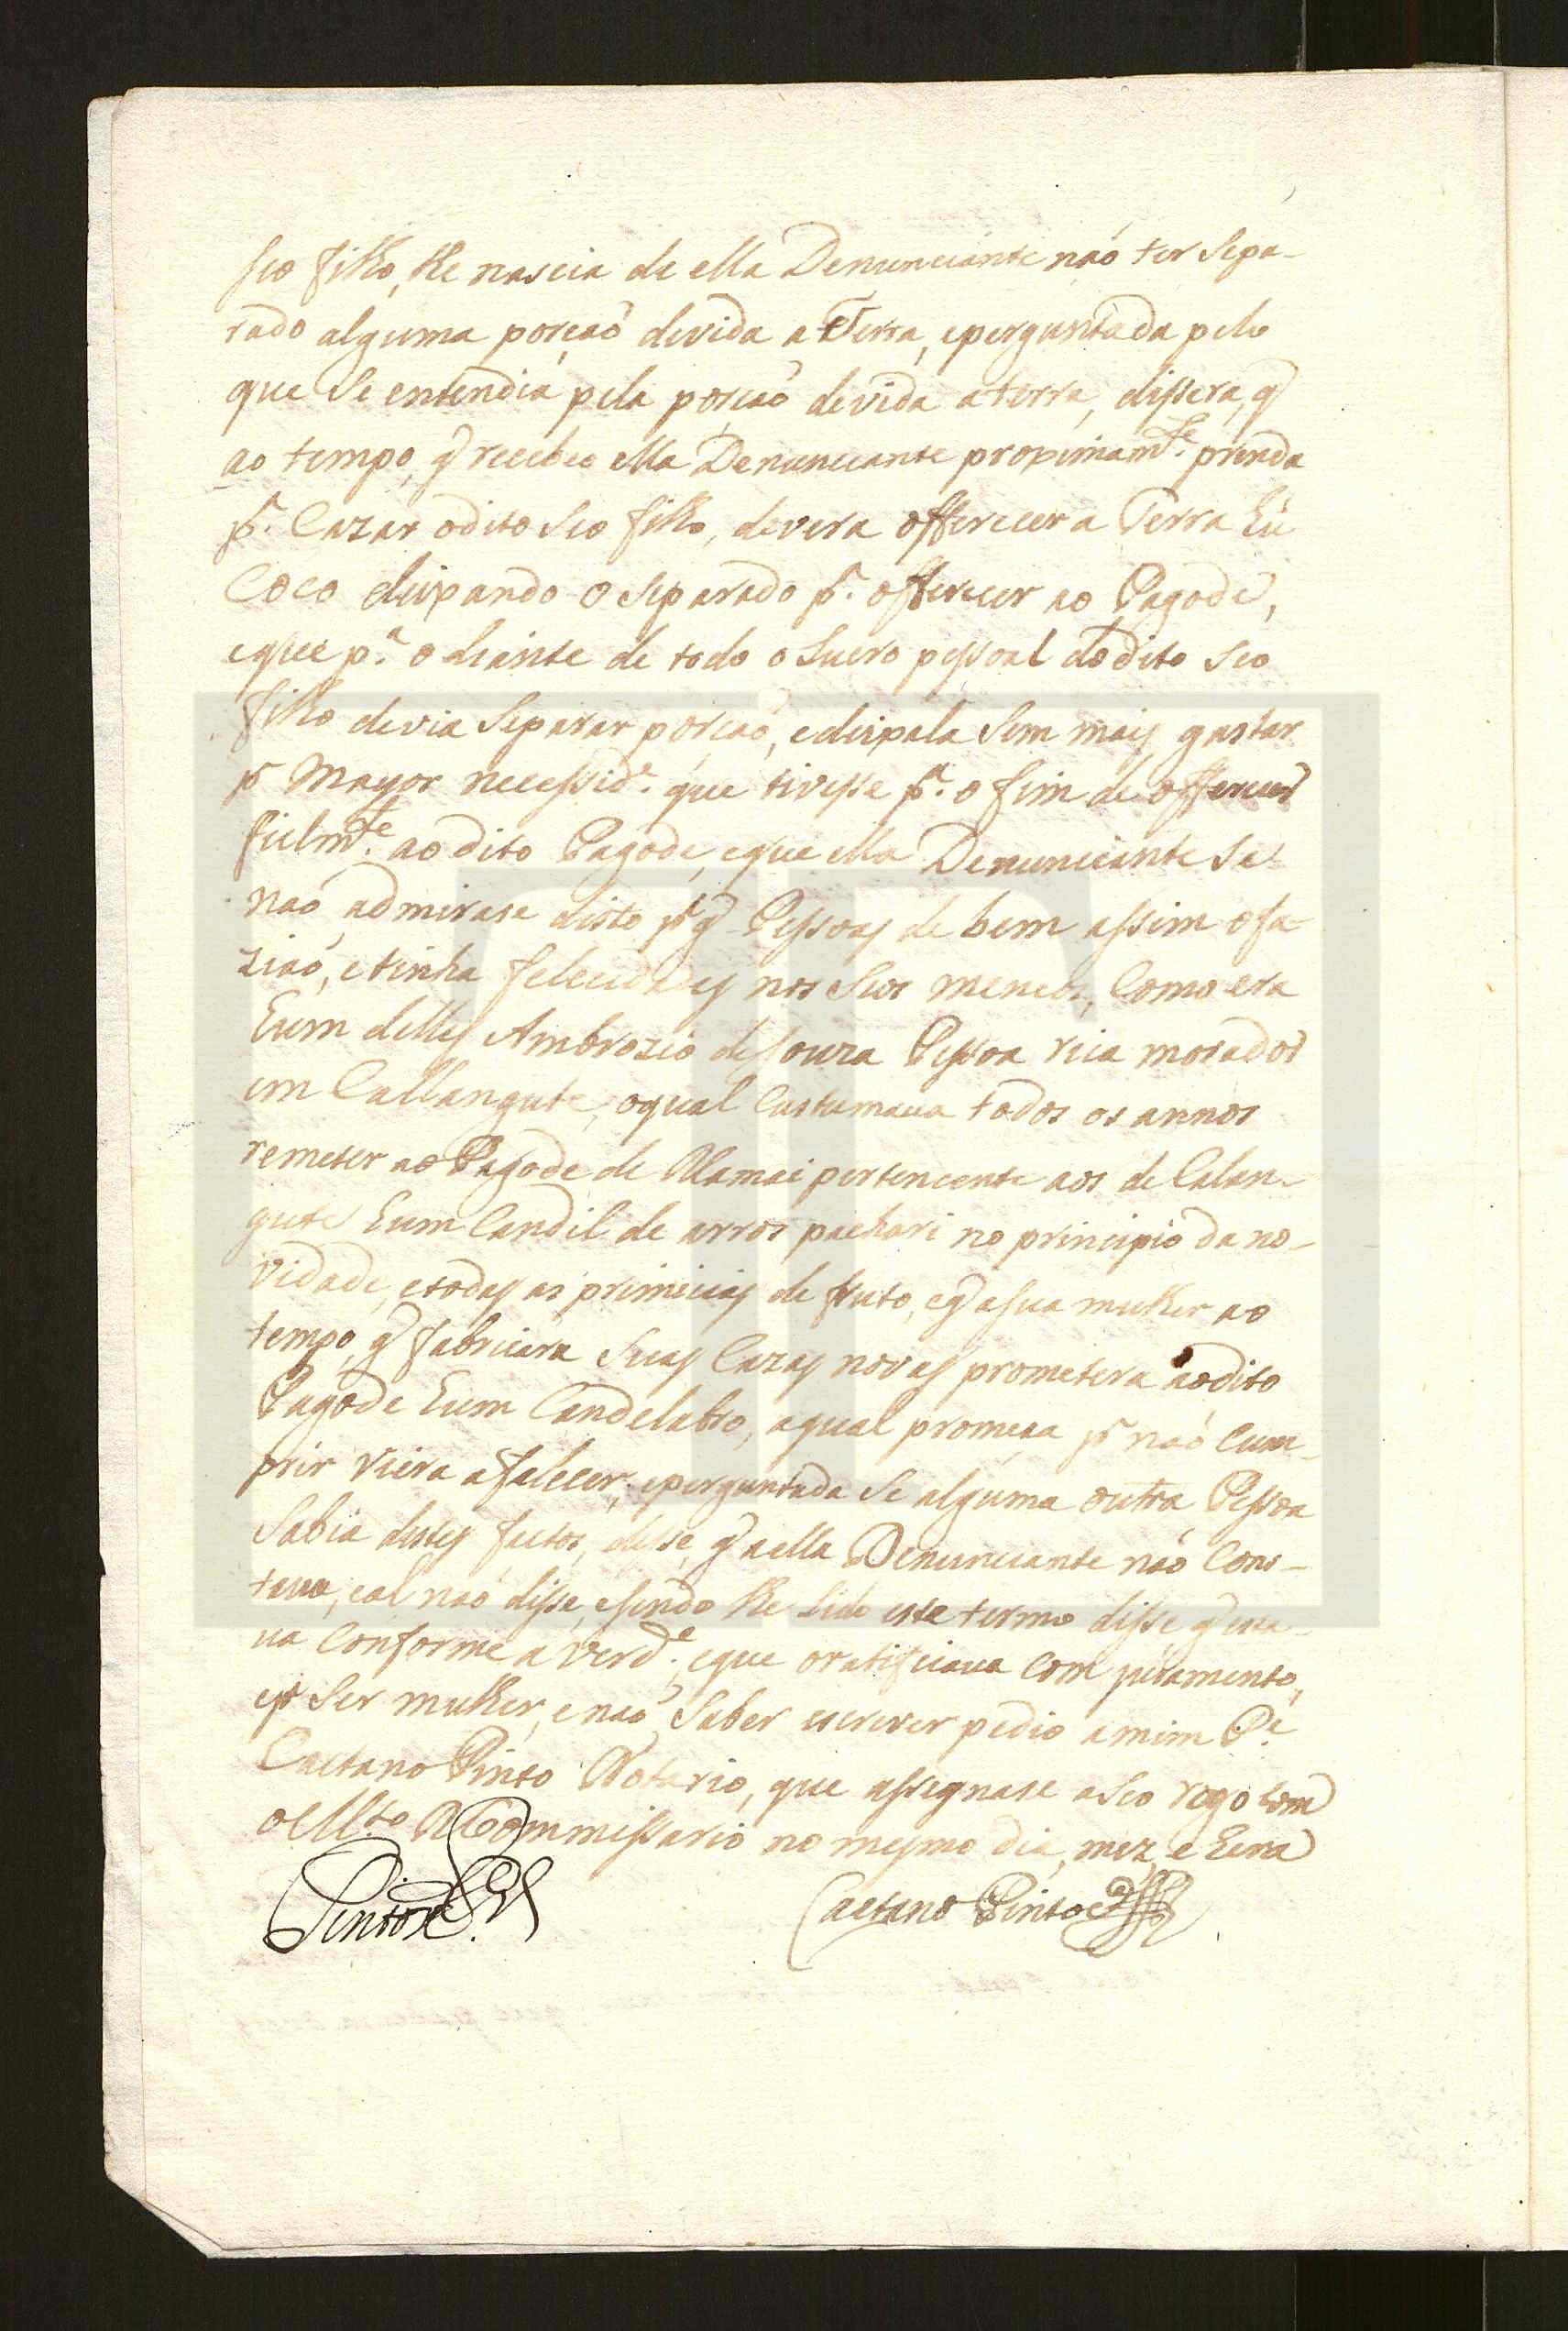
seo filho, lhe nascia de ella Denunciante não ter sepa
rado alguma porçaõ devida a Terra, e perguntada pelo
que se entendia pela porçaõ de vida a terra, dissera, q̄
ao tempo, q̄ recebeo ella Denunciante proximam.te prenda
p.a Cazar o dito seo filho, devera offerecer a Terra hū
coco deixando o separado p.a offerecer ao Pagode,
e que p.a o diante de todo o lucro pessoal do dito seo
filho devia separar porçaõ, e deixala sem mais gastar
p mayor necessid.e que tivesse p.a o fim de offerecer
fielm.te ao dito Pagode, e que ella Denunciante se
nao admirase disto po q̄ Pessoas de bem assim o fa
ziaõ, e tinha felecidades nos Seos meneos, Como era
hum delles Ambrozio de souza Pessoa rico morador
em Callangute, o qual custumaua todos os annos
remeter ao Pagode de Mamai pertencente aos de Calan
gute hum Candil de arros pachari no principio da no
vidade, e todas as primicias de fruto, e q̄ a sua mulher ao
tempo, q̄ fabricara suas Cazas novas prometera ao dito
Pagode hum Candelabro, a qual promesa pr naõ cum
prir viera a falecer, e perguntada se alguma outra Pessoa
Sabia desses factos, disse, q̄ a ella Denunciante naõ cons
tava, e al naõ disse, e sendo lhe Lido este termo disse q̄ esta
ua Conforme a verd.e, e que o ratificaua com juramento,
e pr Ser mulher, e naõ Saber escrever pedio a mim P.e
Caetano Pinto Notario, que assegnase a Seo rogo com
o M.to R Commissario no mesmo dia, mez e hera
